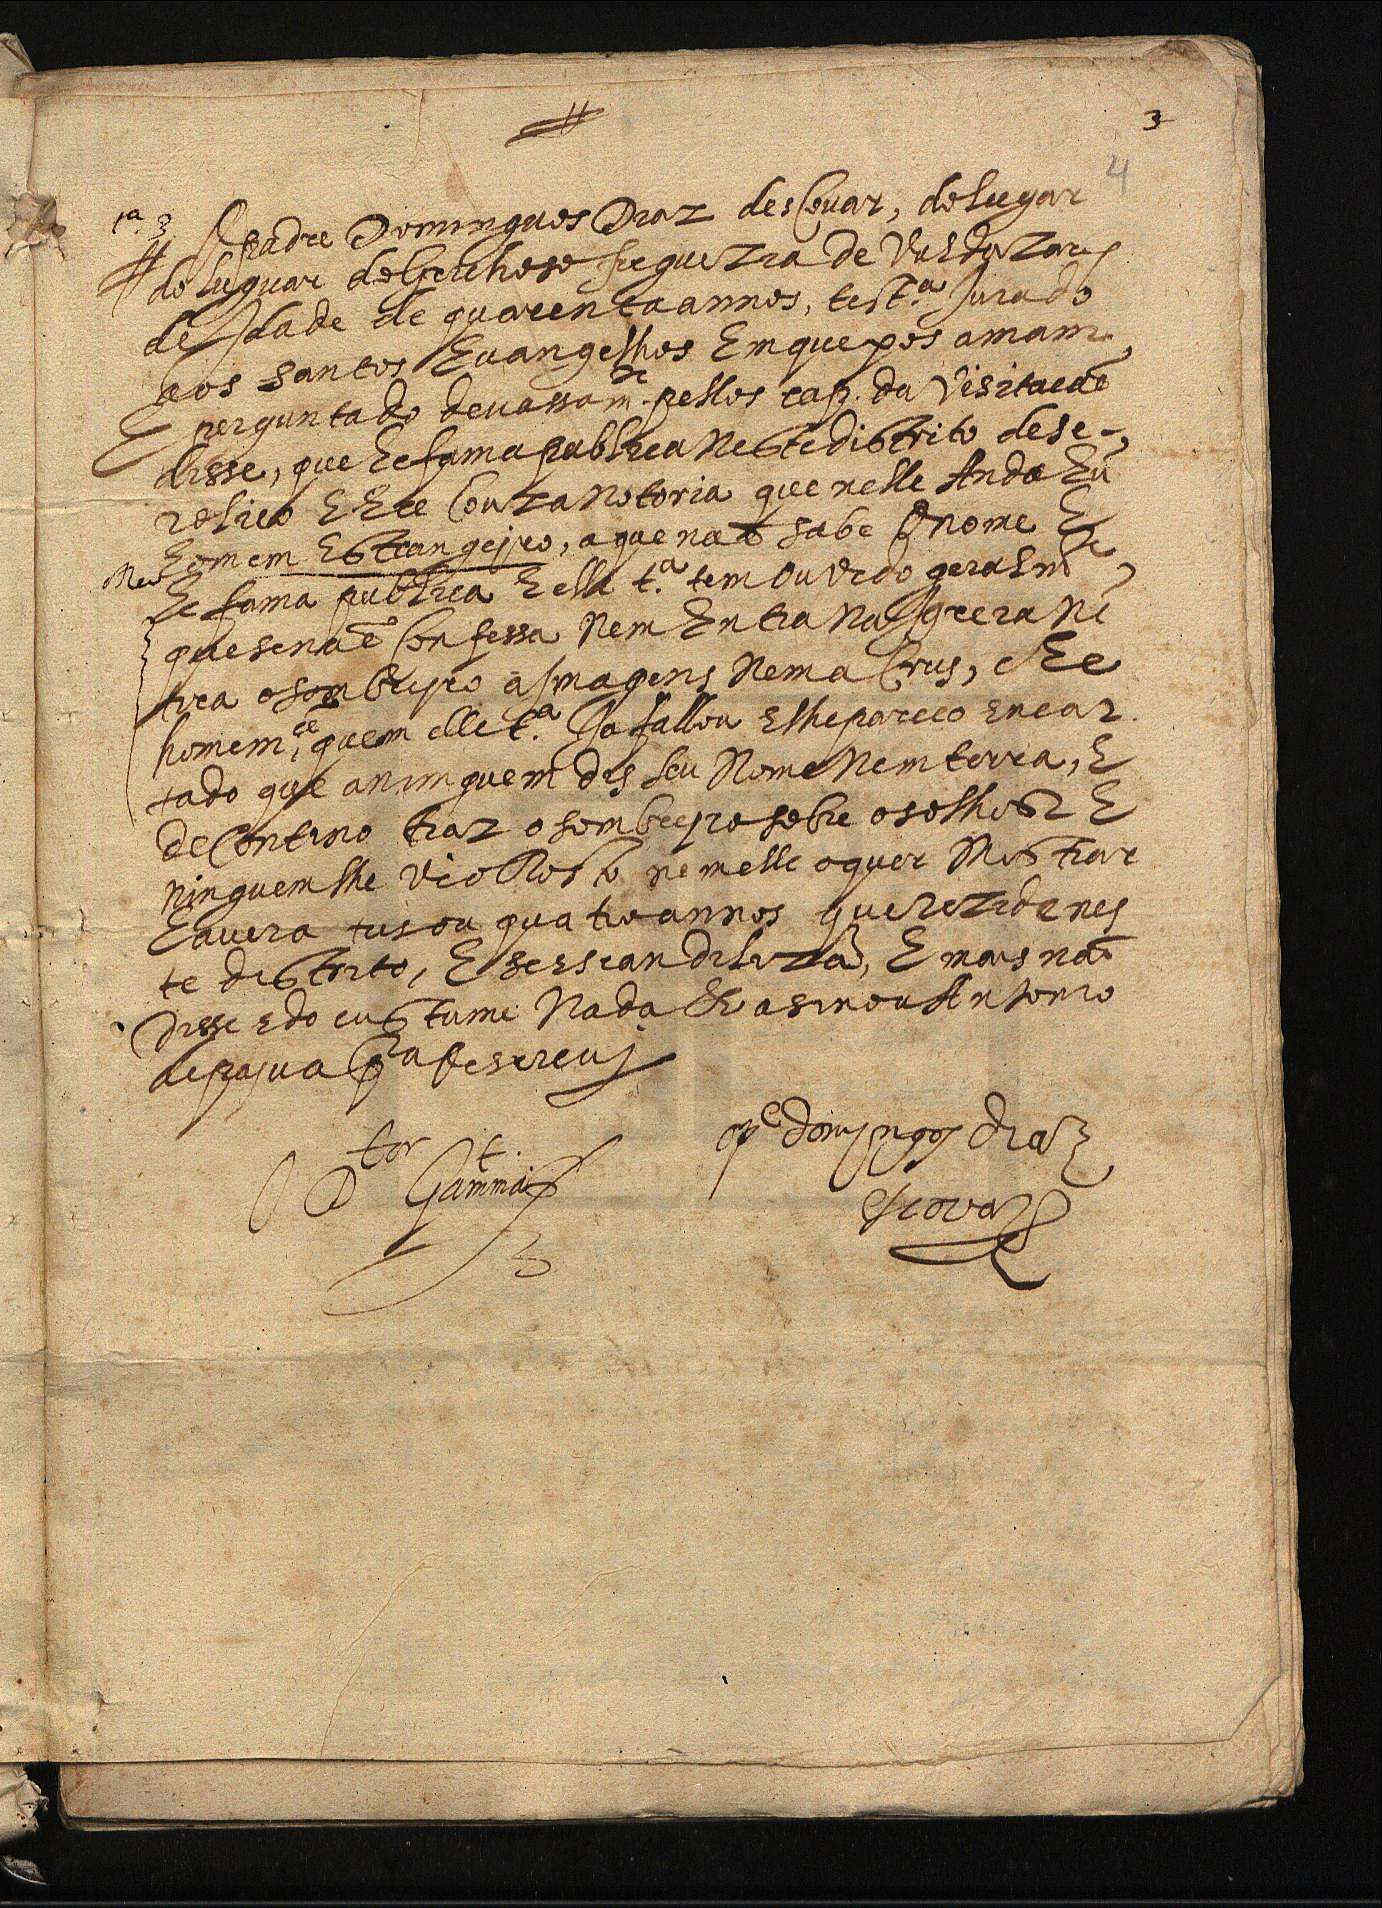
3
ta. 3
O padre Dominguos Diaz desCouar, do Lugar
do Luguar do Grichoso freguezia de Valdazares
de Jdade de quarenta annos, test.a Jurado
aos santos Euangelhos Em que pos a mam
E perguntado deuassamte pellos cap. da Visitaçaõ
disse, que he fama publica neste distrito de se
rolico E hee Couza notoria que nelle Anda hū
o Reo
homem Estrangejro, a que naõ sabe O nome E
he fama publica E elle t.a tem ouvido geralmte
que se naõ Confessa nem Entra na Jgreia nē
tira o sombrejro a Jmagens nem a Crus, e he
homem, cō quem elle t.a Ja fallou E lhe pareco Encar
tado que a nimguem dis seu nome nem terra, E
de Contino traz o sombrejro sobre os olhos E
ninguem lhe vio Rosto nem elle o quer mostrar
E auera tres ou quatro annos que rezide nes
te distrito, E se Escandelizaõ, E mais naõ
disse E do custume nada & asinou Antonio
de pajua pra O escreuj
O Dtor Gamma
o pe domjngos diaz
escovar
